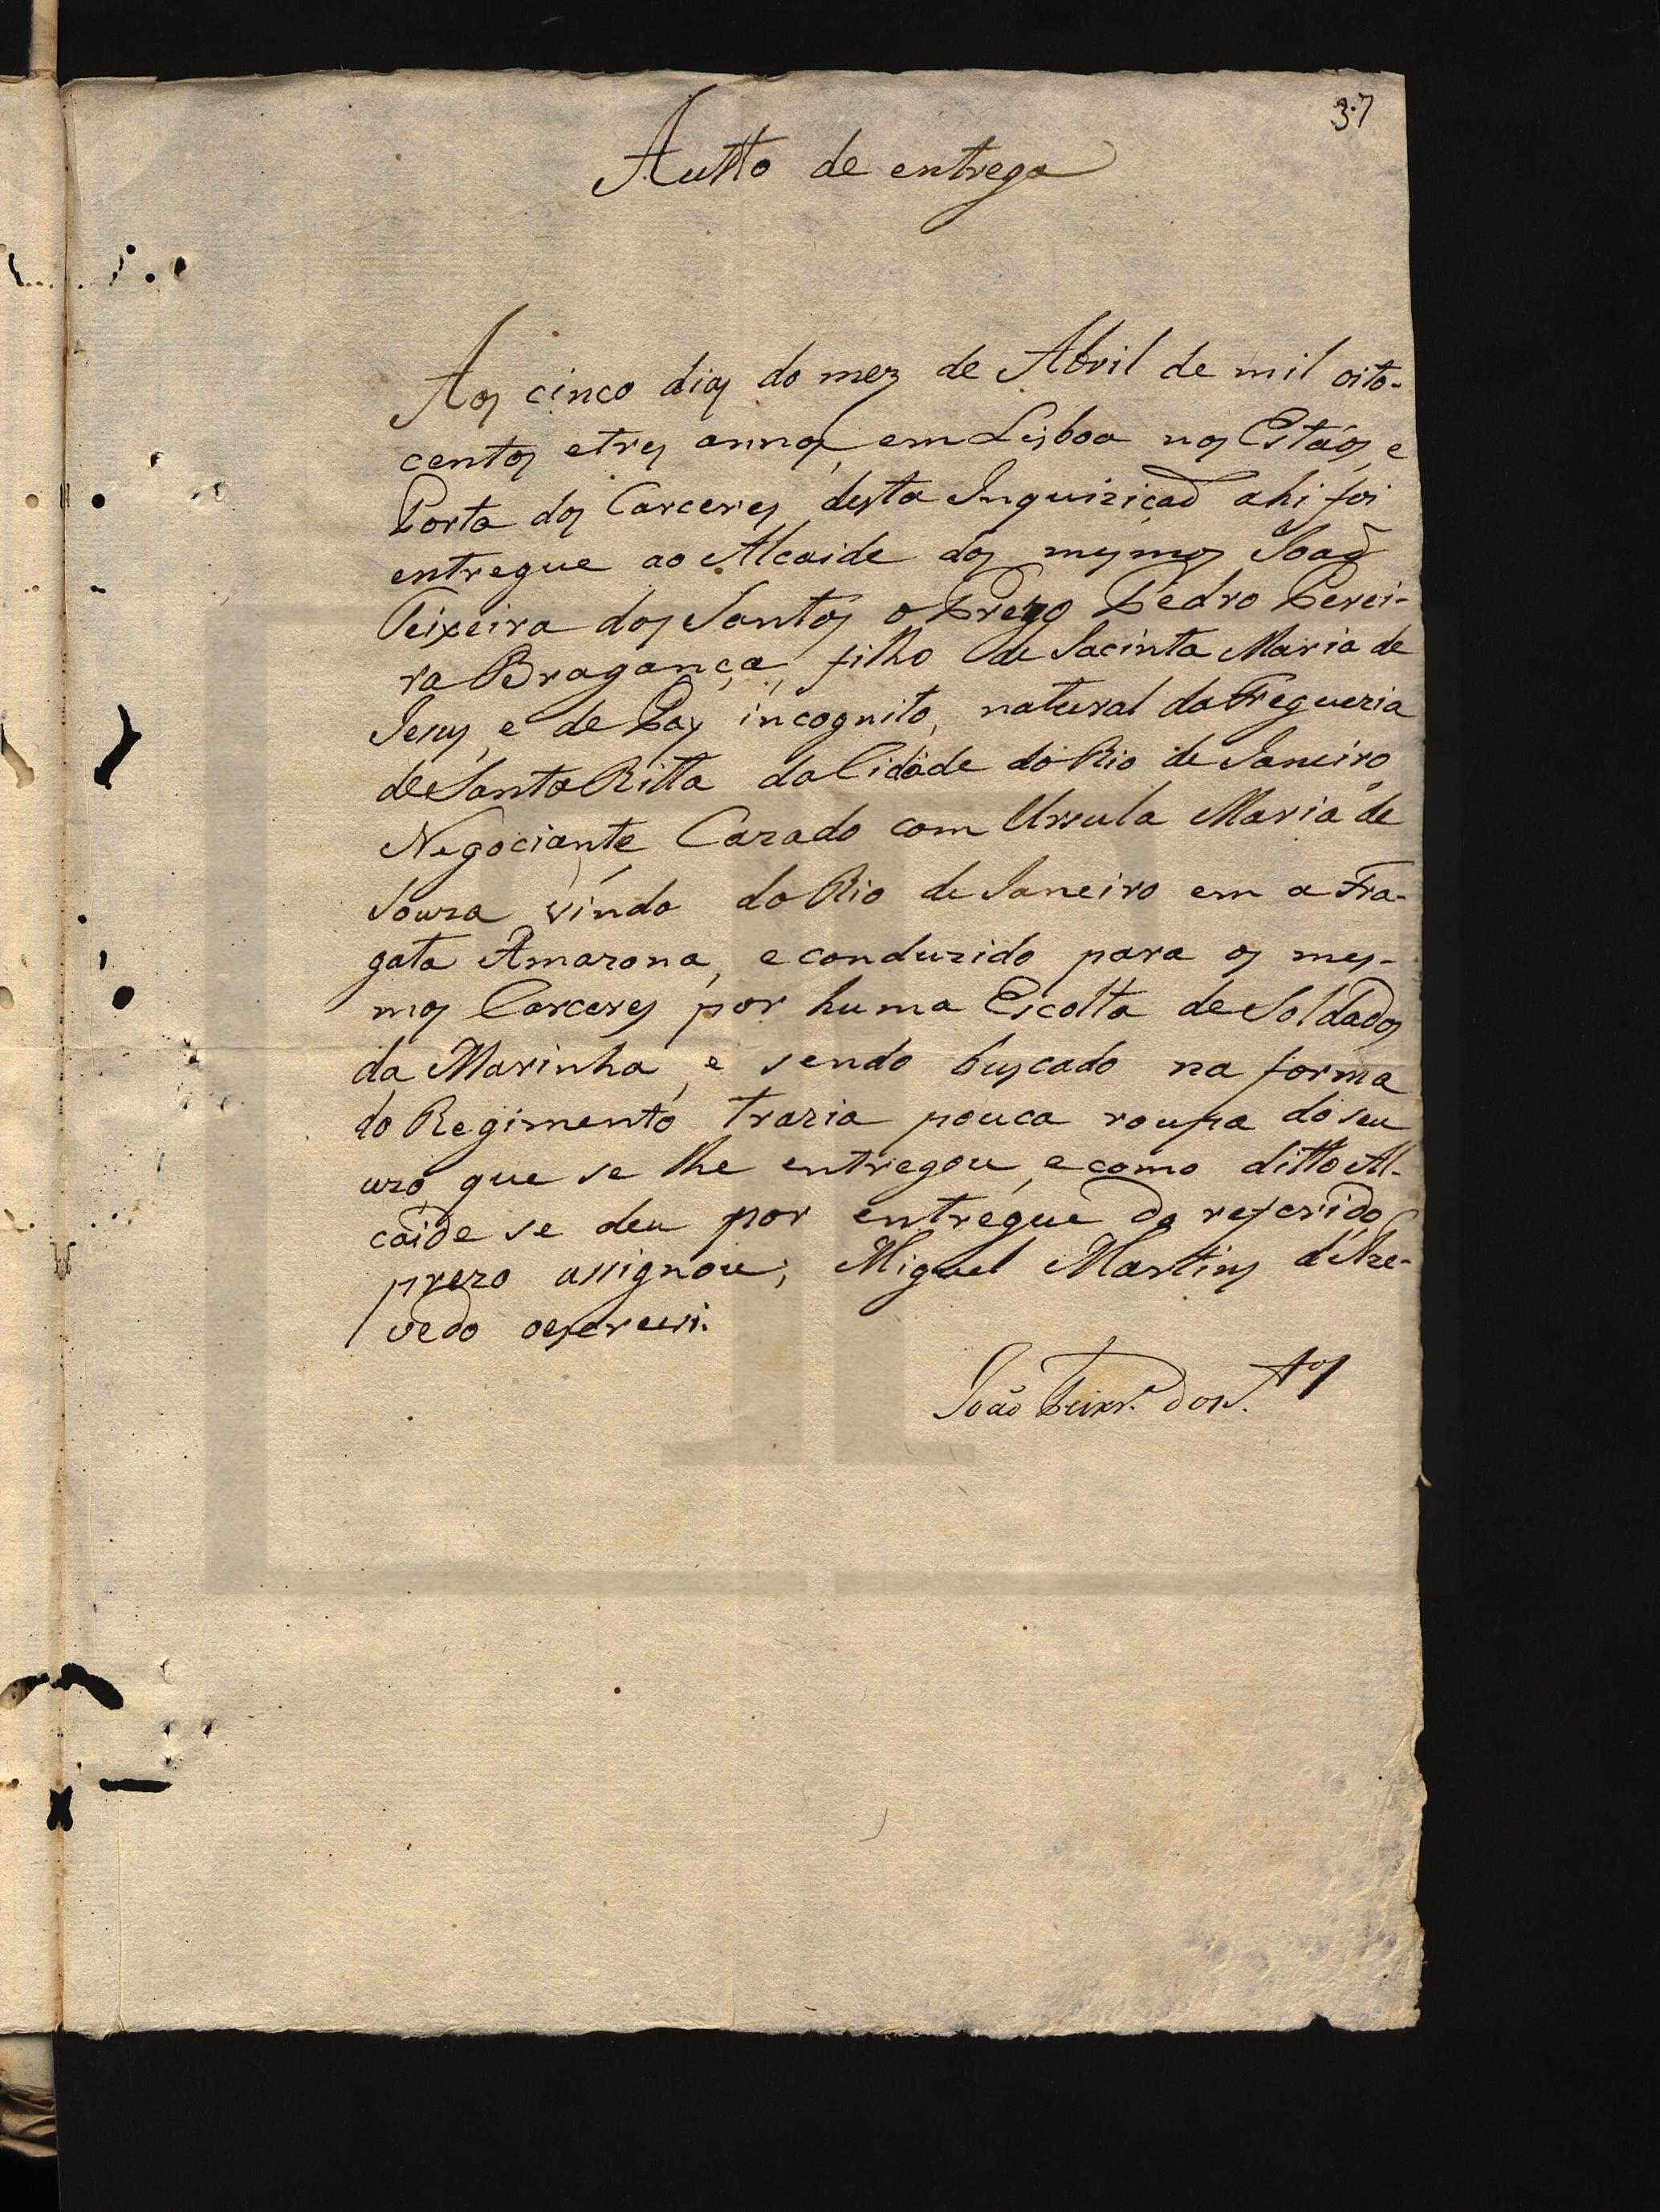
Autto de entrega
Aos cinco dias do mez de Abril de mil oito
centos e tres annos, em Lisboa nos Estáos, e
Porta dos Carceres desta Inquizição ahi foi
entregue ao Alcaide dos mesmos Ioaõ
Teixeira dos Santos o Prezo Pedro Perei
ra Bragança, filho de Iacinta Maria de
Iesus, e de Pay incognito, natural da Freguezia
da Santa Ritta da Cidade do Rio de Ianeiro
Negociante, Cazado com Ursula Maria de
Souza vindo do Rio de Ianeiro em a Fra
gata Amazona, e conduzido para os mes
mos Carceres por huma Escolta de Soldados
da Marinha, e sendo buscado na forma
do Regimento trazia pouca roupa do seu
uzo, que se lhe entregou, e como ditto Al
caide se deu por entregue do referido
prezo assignou; Miguel Martins d'Aze
vedo o escrevi.
